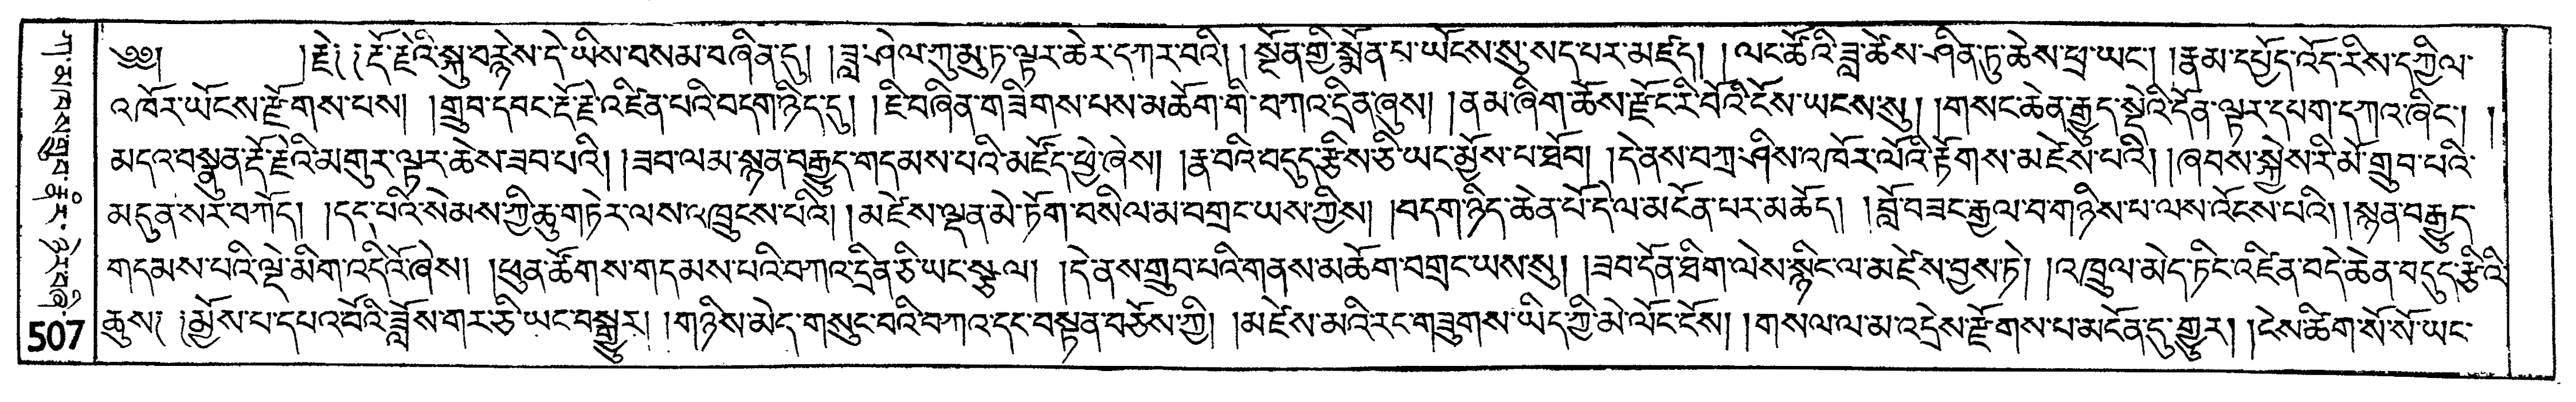༄༅། །རྗེ༑ ༑རྡོ་རྗེའི་སྐུ་བརྙེས་དེ་ཡིས་བསམ་བཞིན་དུ། །ཟླ་ཤེལ་ཀུ་མུ་ཏ་ལྟར་ཆེར་དཀར་བའི། །སྔོན་གྱི་སྨོན་པ་ཡོངས་སུ་སད་པར་མཛད། །ལང་ཚོའི་ཟླ་ཚེས་ཤིན་ཏུ་ཆེས་ཕྲ་ཡང་། །རྣམ་དཔྱོད་འོད་རིས་དཀྱིལ་
འཁོར་ཡོངས་རྫོགས་པས། །གྲུབ་དབང་རྡོ་རྗེ་འཛིན་པའི་བདག་ཉིད་དུ། །ཇི་བཞིན་གཟིགས་པས་མཆོག་གི་བཀའ་དྲིན་ཞུས། །ནམ་ཞིག་ཆོས་རྫོང་རི་བོའི་ངོས་ཡངས་སུ། །གསང་ཆེན་རྒྱུད་སྡེའི་དོན་ལྟར་དཔག་དཀའ་ཞིང་། །
མདའ་བསྣུན་རྡོ་རྗེའི་མགུར་ལྟར་ཆེས་ཟབ་པའི། །ཟབ་ལམ་སྙན་བརྒྱུད་གདམས་པའི་མཛོད་ཕྱེ་ཞེས། །རྣ་བའི་བདུད་རྩིས་ཅི་ཡང་མྱོས་པ་ཐོབ། །དེ་ནས་བཀྲ་ཤིས་འཁོར་ལོའི་རྟོགས་མཛེས་པའི། །ཞབས་སྐྱེས་རི་མོ་གྲུབ་པའི་
མདུན་སར་བཀོད། །དད་པའི་སེམས་ཀྱི་ཆུ་གཏེར་ལས་འཁྲུངས་པའི། །མཛེས་ལྡན་མེ་ཏོག་བསིལ་མ་བགྲང་ཡས་ཀྱིས། །བདག་ཉིད་ཆེན་པོ་དེ་ལ་མངོན་པར་མཆོད། །བློ་བཟང་རྒྱལ་བ་གཉིས་པ་ལས་འོངས་པའི། །སྙན་བརྒྱུད་
གདམས་པའི་ལྡེ་མིག་འདིའོ་ཞེས། །ཕུན་ཚོགས་གདམས་པའི་བཀའ་དྲིན་ཅི་ཡང་སྩལ། །དེ་ནས་གྲུབ་པའི་གནས་མཆོག་བགྲང་ཡས་སུ། །ཟབ་དོན་ཐིག་ལེས་སྙིང་ལ་མཛེས་བྱས་ཏེ། །འཁྲུལ་མེད་ཏིང་འཛིན་བདེ་ཆེན་བདུད་རྩིའི་
ཆུས༑ ༑མྱོས་པ་དཔའ་བོའི་ཟློས་གར་ཅི་ཡང་བསྒྱུར། །གཉིས་མེད་གསུང་བའི་བཀའ་དང་བསྟན་བཅོས་ཀྱི། །མཛེས་མའི་རང་གཟུགས་ཡིད་ཀྱི་མེ་ལོང་ངོས། །གསལ་ལ་མ་འདྲེས་རྫོགས་པ་མངོན་དུ་གྱུར། །ངེས་ཚིག་སོ་སོ་ཡང་